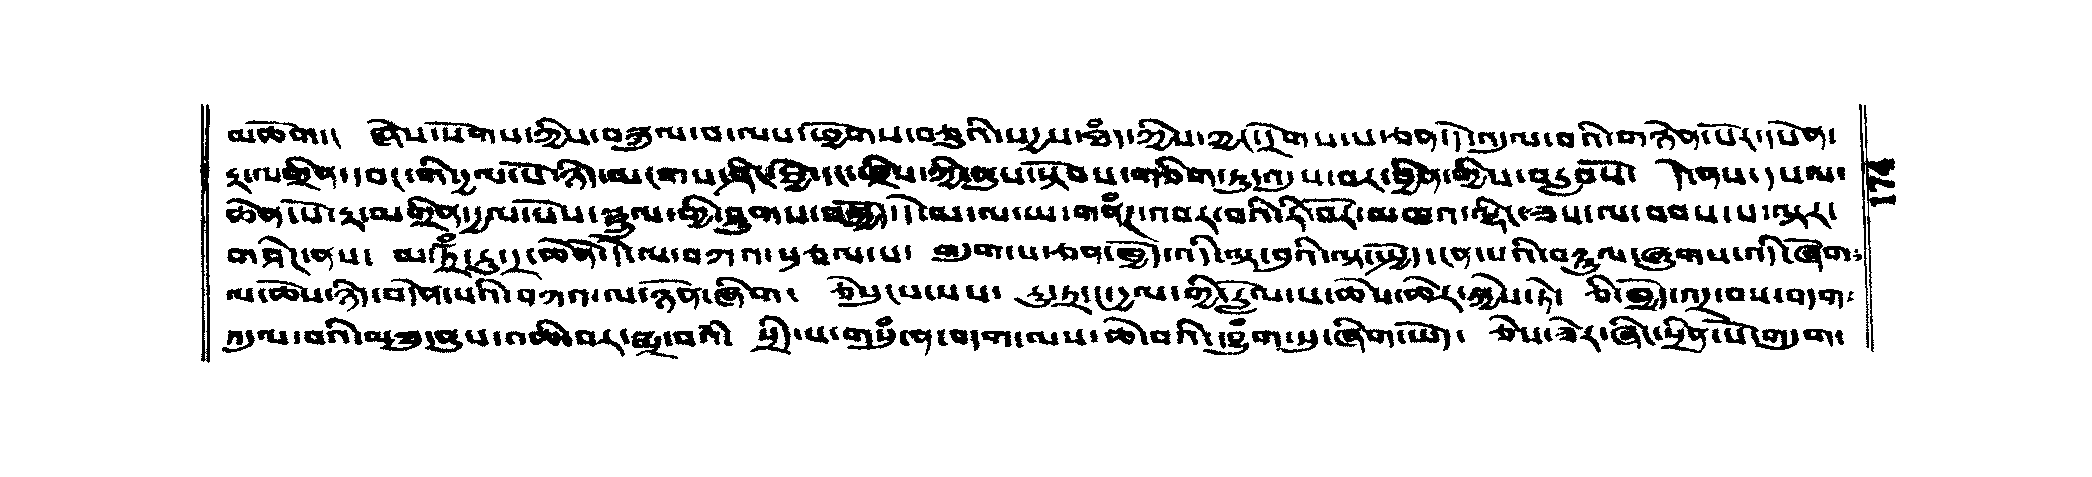མཆོག ཞེས་སོགས་ཀྱིས་བསྐུལ་བ་ལས་ཕྱོགས་བཅུའི་སངས་རྒྱས་ཐམས་ཅད་ཀྱིས་ཀྱང་དྲེགས་པ་ཅན་དེ་འདུལ་བའི་གཉེན་པོར་དཔེན་
རྟ་མགྲིན་དབང་གི་རྒྱལ་པོ་ཉིད་མངགས་ཤིང་ཐུགས་རྗེ་དང་ཕྲིན་ལས་ཀྱི་ནུས་སྟོབས་གཅིག་ཏུ་འདུས་བར་བྱིན་གྱིས་བརླབས་སོ། དེ་ནས་དཔལ་
ཆེན་པོ་རྟ་མགྲིན་རྒྱལ་པོས་རྫུ་འཕྲུལ་གྱི་ཤུགས་བསྐྱོད་དེ་མ་ལ་ཡ་གནམ་ལྕགས་འབར་བའི་རི་བོར་མཁའ་ལྷིང་ཟས་ལ་བབས་པ་ལྟར་
གཤེགས་ནས། མ་ཏྲྃ་རུ་དྲ་ཆེན་པོ་དེ་ལས་བཀའ་སྩལ་པ། གདུག་པ་ཅན་ཁྱོད་འདི་ལྟ་བུའི་ལྟ་སྤྱོད་ངན་པའི་བརྟུལ་ཞུགས་འདི་ཞོག་
ལ་ཆོས་ཉིད་བདེན་པའི་བཀའ་ལ་ཉོན་ཞིག ཅེས་གསུངས་པས། རུ་ཏྲ་ང་རྒྱལ་གྱི་རློམ་པ་ཆེས་ཚེར་སྐྱེས་ཏེ། ཅི་ཁྱོད་འདྲ་བས་བདག་
འདུལ་བའི་མཐུ་ནུས་འཆི་བར་སྨྲ་བའམ། སྲིད་པ་གསུམ་ན་བདག་ལས་ཆེ་བའི་དབང་ཕྱུགས་སུ་ཞིག་ཡོད། ཅེས་ཟེར་ཞིང་སྲིན་པོ་གདུག་